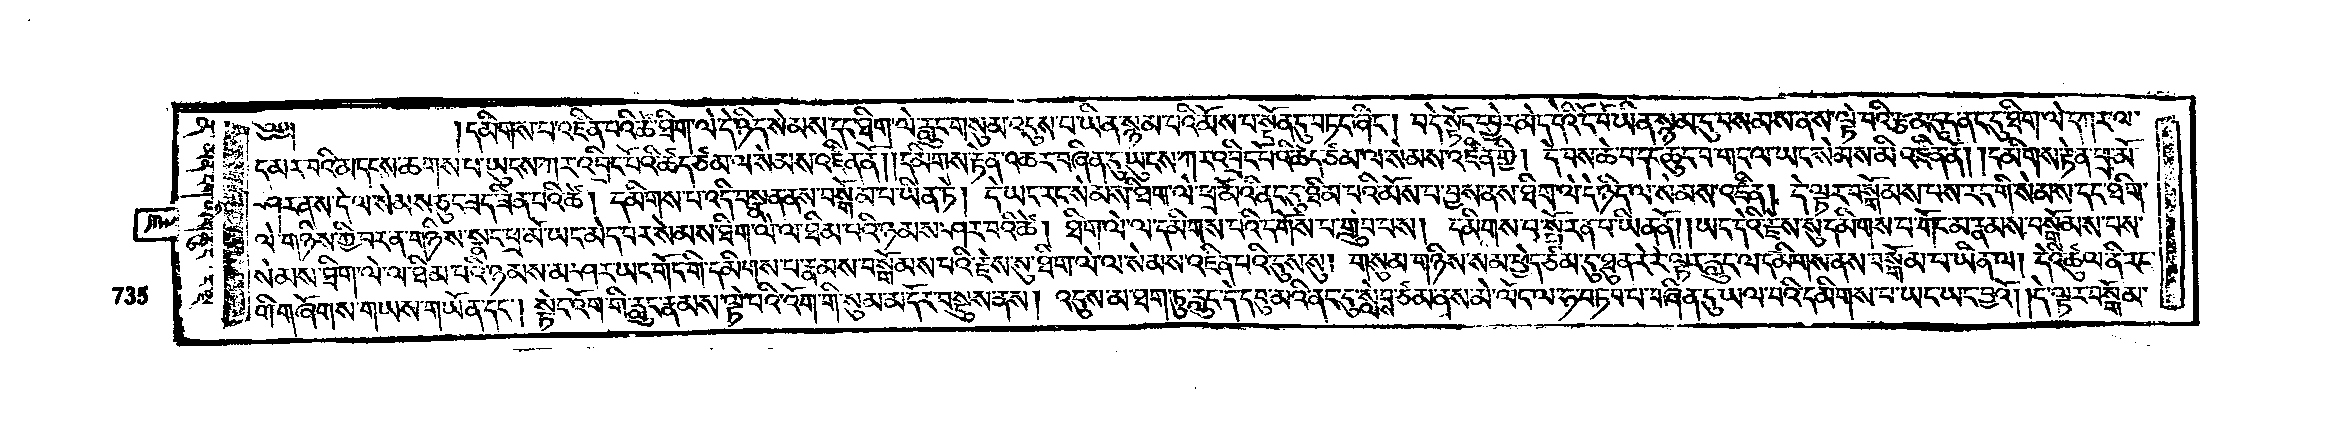༄༅། །དམིགས་པ་འཛིན་པའི་ཚེ་ཐིག་ལེ་དེ་ཉིད་སེམས་དང་ཐིག་ལེ་རླུང་གསུམ་འདུས་པ་ཡིན་སྙམ་པའི་མོས་པ་སྔོན་དུ་བཏང་ཞིང་། བདེ་སྟོང་དབྱེར་མེད་དེའི་ངོ་བོ་ཡིན་སྙམ་དུ་བསམས་ནས་ལྟེ་བའི་རྩ་མདུད་ནང་དུ་ཐིག་ལེ་དཀར་ལ་
དམར་བའི་མདངས་ཆགས་པ་ཡུངས་ཀར་འབྲིང་པོའི་ཚད་ཙམ་ལ་སེམས་འཛིན་ནོ། །དམིགས་རྟེན་འཆར་བཞིན་དུ་ཡུངས་ཀར་འབྲིང་པོའི་ཚད་ཙམ་ལ་སེམས་འཛིན་གྱི། དེ་བས་ཆེ་བ་དང་ཆུང་བ་གང་ལ་ཡང་སེམས་མི་འཛིན་ནོ། །དམིགས་རྟེན་ཕྲ་མོ་
ཤར་ནས་དེ་ལ་སེམས་ཅུང་ཟད་ཟིན་པའི་ཚེ། དམིགས་པ་འདི་བསྣན་ནས་བསྒོམ་པ་ཡིན་ཏེ། དེ་ཡང་རང་སེམས་ཐིག་ལེ་ཕྲ་མོའི་ནང་དུ་ཐིམ་པའི་མོས་པ་བྱས་ནས་ཐིག་ལེ་དེ་ཉིད་ལ་སེམས་འཛིན། དེ་ལྟར་བསྒོམས་པས་རང་གི་སེམས་དང་ཐིག་
ལེ་གཉིས་ཀྱི་བར་ན་གཉིས་སྣང་ཕྲ་མོ་ཡང་མེད་པར་སེམས་ཐིག་ལེ་ལ་ཐིམ་པའི་ཉམས་ཤར་བའི་ཚེ། ཐིག་ལེ་ལ་དམིགས་པའི་དགོས་པ་གྲུབ་པས། དམིགས་པ་སྤྲོ་རན་པ་ཡིན་ནོ། །ཡང་དེའི་རྗེས་སུ་དམིགས་པ་གོང་མ་རྣམས་བསྒོམས་པས་
སེམས་ཐིག་ལེ་ལ་ཐིམ་པའི་ཉམས་མ་ཤར་ཡང་གོང་གི་དམིགས་པ་རྣམས་བསྒོམས་པའི་རྗེས་སུ་ཐིག་ལེ་ལ་སེམས་འཛིན་པའི་དུས་སུ། གསུམ་གཉིས་སམ་ཕྱེད་ཙམ་དུ་ཐུན་རེ་རེ་ལྟར་རླུང་ལ་དམིགས་ནས་བསྒོམ་པ་ཡིན་ལ། དེའི་ཚུལ་ནི་རང་
གི་གཞོགས་གཡས་གཡོན་དང་། སྟེང་འོག་གི་རླུང་རྣམས་ལྟེ་བའི་འོག་གི་སུམ་མདོར་བསྡུས་ནས། འདུས་མ་ཐག་ཏུ་རླུང་དེ་དབུ་མའི་ནང་དུ་སླེབས་ཙམ་ནས་མེ་ལོང་ལ་ཧ་བཏབ་པ་བཞིན་དུ་ཡལ་བའི་དམིགས་པ་ཡང་ཡང་བྱའོ། །དེ་ལྟར་བསྒོམ་